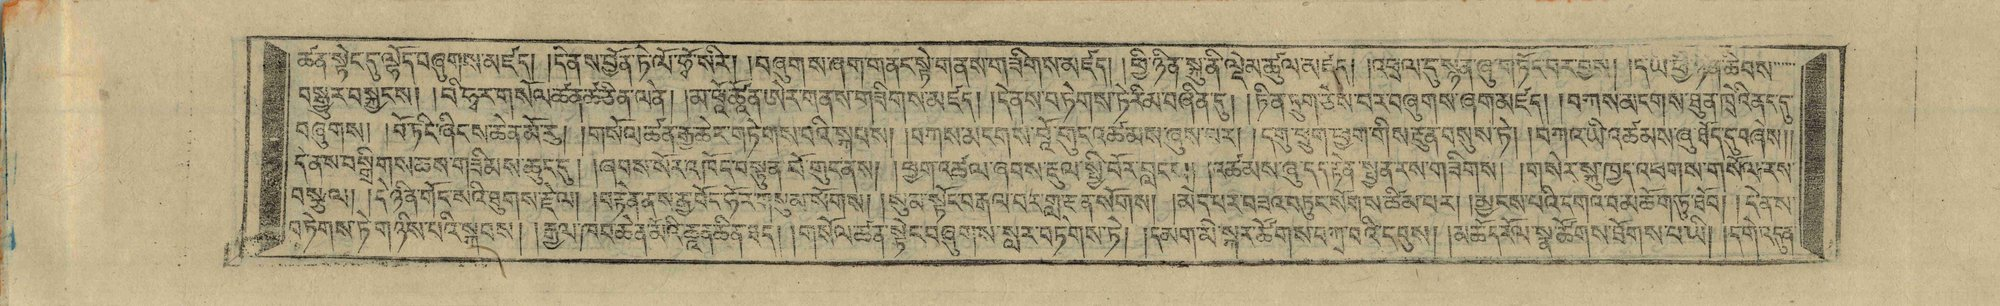ཚན་སྟེང་དུ་ལྷོད་བཞུགས་མཛད། །དེ་ནས་བྱོན་ཏེ་ལོ་ཧྭོ་སིར། །བཞུགས་ཞག་གནང་སྟེ་གནས་གཟིགས་མཛད། །ཕྱི་ཉིན་སྐུ་ནི་ལྡེམ་ཚུལ་མཛད། །འཕྲལ་དུ་སྙན་ཞུ་གཏོང་བར་བྱས། །དེ་ཡི་ཕྱི་ཉིན་ཆིབས་
བསྒྱུར་བསྐྱངས། །བི་ཧྭར་གསོལ་ཚན་ཚ་ཅིན་ལེན། །མ་ཕO་ཚOན་ཨེར་གནས་གཟིགས་མཛད། །དེ་ནས་བཏེགས་ཏེ་རིམ་བཞིན་དུ། །ཏི་ན་ཏྲུག་ཅེས་པར་བཞུགས་ཞག་མཛད། །བཀས་མངགས་ཐུན་ཁྲེའི་ནང་དུ་
བཞུགས། །བོ་ཏིང་ཞིང་ས་ཆེན་མོ་རུ། །གསོལ་ཚན་རྒྱ་ཆེར་གཏེགས་བའི་སྐབས། །བཀས་མངགས་བO་གུང་འཚམས་ཞུས་པར། །དགུ་ཕྲུག་ཕྱག་གིས་རྡུན་བསུས་ཏེ། །བཀའ་ཡི་འཚམས་ཞུ་ཐོད་དུ་བཞེས། །
དེ་ནས་བསྒྲིགས་ཆས་གཟིམས་ཆུང་དུ། །ཞབས་སོར་འཁོད་བསྟུན་པོ་གུང་ནས། །ཕྱག་འཚལ་ཞབས་རྡུལ་སྤྱི་བོར་བླངས། །འཚམས་ཞུ་དད་རྟེན་སྤྱན་རས་གཟིགས། །གསེར་སྐུ་ཁྱད་འཕགས་གསོལ་རས་
བསྩལ། །དེ་ཉིན་གོང་སའི་ཐུགས་རྗེ་ལ། །བརྟེན་ནས་རྒྱ་བོད་ཧོར་གསུམ་སོགས། །སུམ་སྟོང་བརྒལ་བར་གླ་རྔན་སོགས། །མེད་པར་བཟའ་བཏུང་སོགས་ཚིམ་པར། །མྱངས་པའི་དགའ་བ་མཆོག་ཏུ་ཐོབ། །དེ་ནས་
བཏེགས་ཏེ་གཉིས་པའི་སྐབས། །རྒྱལ་ཁབ་ཆེན་མོའི་ཆཱན་ཆིན་ཐད། །གསོལ་ཚན་སྟེང་བཞུགས་སླར་བཏེགས་ཏེ། །དམག་མི་སྐར་ཚོགས་བཀྲ་བའི་དབུས། །མཆོད་རོལ་སྣ་ཚོགས་ཐོགས་པ་ཡི། །དགེ་འདུན་